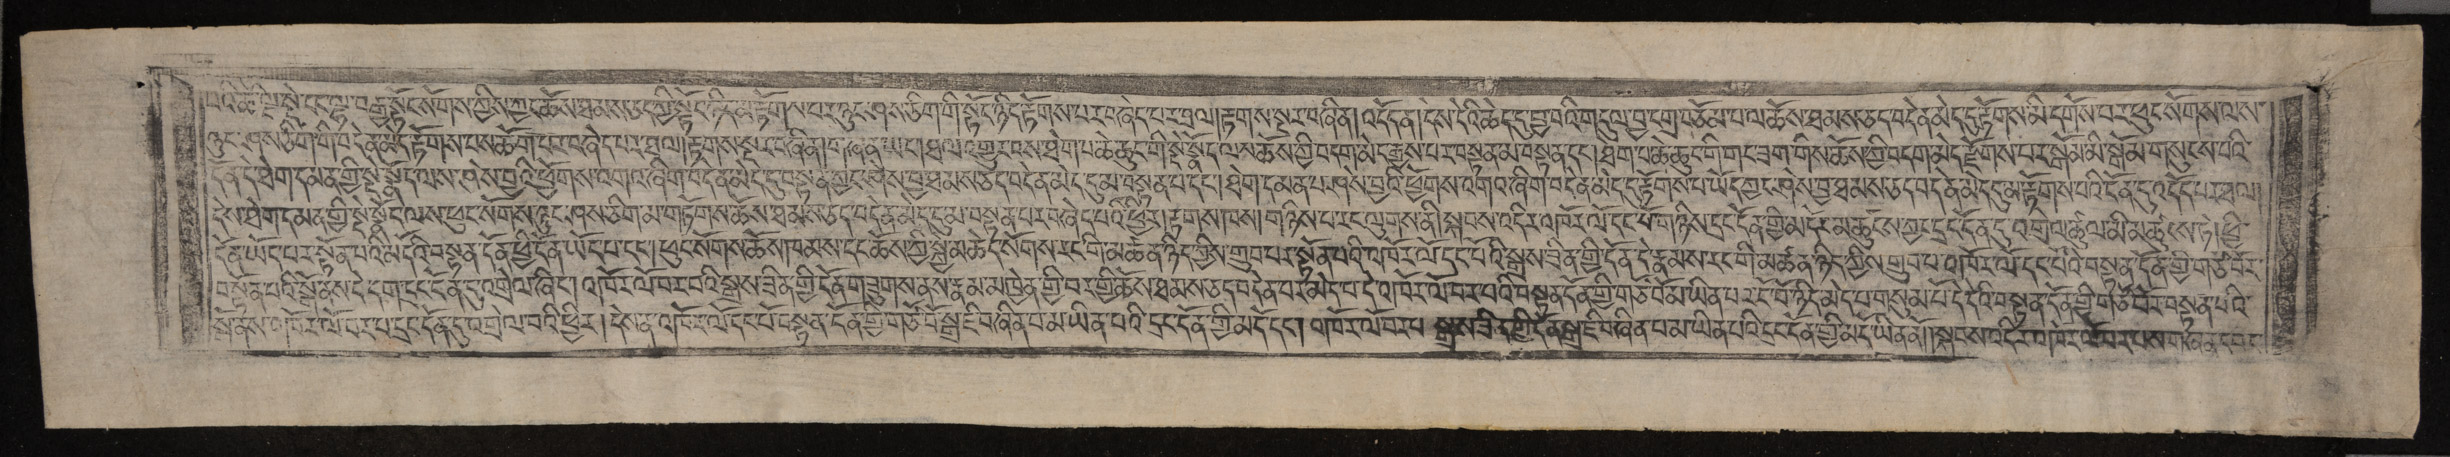བའི་ཚེ་ལྔ་སྡེ་དང་ལྷ་བརྒྱ་སྟོང་སོགས་ཀྱིས་ཀྱང་ཆོས་ཐམས་ཅད་ཀྱི་སྟོང་ཉིད་མ་རྟོགས་པར་ཉུང་ཤས་ཅིག་གི་སྟོང་ཉིད་རྟོགས་པར་བཞེད་པར་ཐལ། རྟགས་སྔར་བཞིན། འདོད་ན། དེས་དེའི་ཆེད་དུ་བྱ་བའི་གདུལ་བྱ་དགྲ་བཅོམ་པ་ལ་ཆོས་ཐམས་ཅད་བདེན་མེད་དུ་རྟོགས་མི་དགོས་པར་ཕུང་སོགས་ལས་
ཉུང་ཤས་ཅིག་གི་བདེན་མེད་རྟོགས་པས་ཆོག་པར་བཞེད་པར་ཐལ། རྟགས་སྔར་བཞིན། གཞན་ཡང་། ཐལ་འགྱུར་བས་ཐེག་པ་ཆེ་ཆུང་གི་སྡེ་སྣོད་ལས་ཆོས་ཀྱི་བདག་མེད་རྒྱས་པར་བསྟན་མ་བསྟན་དང་། ཐེག་པ་ཆེ་ཆུང་གི་གང་ཟག་གིས་ཆོས་ཀྱི་བདག་མེད་རྫོགས་པར་སྒོམ་མི་སྒོམ་གསུངས་པའི་
དོན་དེ་ཐེག་དམན་གྱི་སྡེ་སྣོད་ལས་ཤེས་བྱའི་ཕྱོགས་འགའ་ཞིག་བདེན་མེད་དུ་བསྟན་ཀྱང་ཤེས་བྱ་ཐམས་ཅད་བདེན་མེད་དུ་མ་བསྟན་པ་དང་། ཐེག་དམན་པ་ཤེས་བྱའི་ཕྱོགས་འགའ་ཞིག་བདེན་མེད་དུ་རྟོགས་པ་ཡོད་ཀྱང་ཤེས་བྱ་ཐམས་ཅད་བདེན་མེད་དུ་མ་རྟོགས་པའི་དོན་དུ་འདོད་པར་ཐལ།
དེས་ཐེག་དམན་གྱི་སྡེ་སྣོད་ལས་ཕུང་སོགས་ཉུང་ཤས་ཅིག་མ་གཏོགས་ཆོས་ཐམས་ཅད་བདེན་མེད་དུ་མ་བསྟན་པར་བཞེད་པའི་ཕྱིར། རྟགས་ཁས། གཉིས་པ་རང་ལུགས་ནི། སྐབས་འདིར་འཁོར་ལོ་དང་པོ་གཉིས་དྲང་དོན་གྱི་མདོར་མཚུངས་ཀྱང་དྲང་དོན་དུ་འགྲེལ་ཚུལ་མི་མཚུངས་ཏེ། ཕྱི་
དོན་ཡོད་པར་སྟོན་པའི་མདོའི་བསྟན་དོན་ཕྱི་དོན་ཡོད་པ་དང་། ཕུང་སོགས་ཆོས་ཁམས་དང་ཆོས་ཀྱི་སྐྱེ་མཆེད་སོགས་རང་གི་མཚན་ཉིད་ཀྱིས་གྲུབ་པར་སྟོན་པའི་འཁོར་ལོ་དང་པོའི་སྒྲས་ཟིན་གྱི་དོན་དེ་རྣམས་རང་གི་མཚན་ཉིད་ཀྱིས་གྲུབ་པ་འཁོར་ལོ་དང་པོའི་བསྟན་དོན་གྱི་གཙོ་བོར་
བསྟོན་པའི་སྒོ་ནས་དེ་དག་དྲང་དོན་དུ་འགྲེལ་ཞིང་། འཁོར་ལོ་བར་པའི་སྒྲས་ཟིན་གྱི་དོན་གཟུགས་ནས་རྣམ་མཁྱེན་གྱི་བར་གྱི་ཆོས་ཐམས་ཅད་བདེན་པར་མེད་པ་དེ་འཁོར་ལོ་བར་པའི་བསྟན་དོན་གྱི་གཙོ་བོ་མ་ཡིན་པར་ངོ་བོ་ཉིད་མེད་པ་གསུམ་པོ་དེ་དེའི་བསྟན་དོན་གྱི་གཙོ་བོར་བསྟན་པའི་
སྒོ་ནས་འཁོར་ལོ་བར་བ་དྲང་དོན་དུ་འགྲེལ་བའི་ཕྱིར། དེས་ན་འཁོར་ལོ་དང་པོ་བསྟན་དོན་གྱི་གཙོ་བོ་སྒྲ་ཇི་བཞིན་པ་མ་ཡིན་པའི་དྲང་དོན་གྱི་མདོ་དང་། འཁོར་ལོ་བར་བ་སྒྲས་ཟིན་གྱི་དོན་སྒྲ་ཇི་བཞིན་པ་མ་ཡིན་པའི་དྲང་དོན་གྱི་མདོ་ཡིན་ནོ། །སྐབས་འདིར་འཁོར་ལོ་བར་པས་གཞན་དབང་